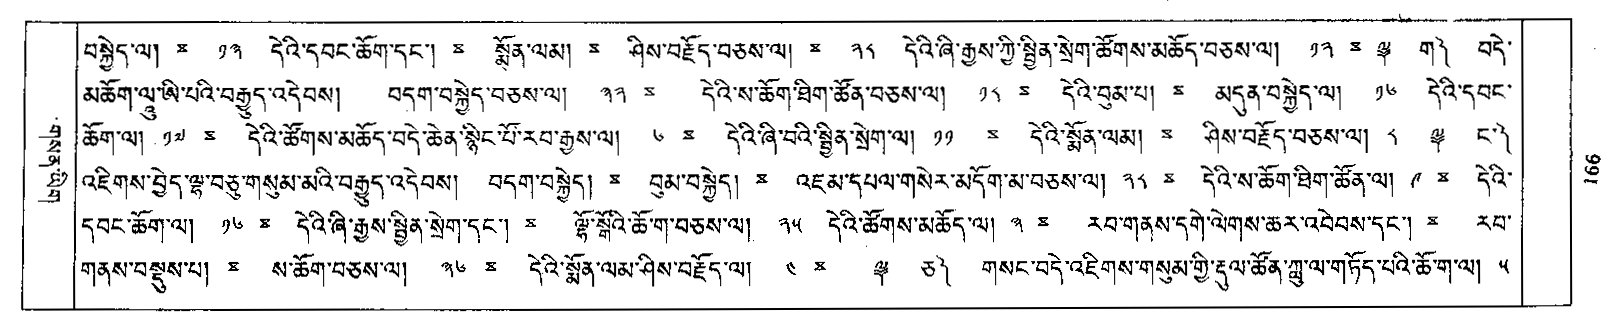བསྐྱེད་ལ། ༡༣་དེའི་དབང་ཆོག་དང་། སྨོན་ལམ། ཤིས་བརྗོད་བཅས་ལ། ༢༨་དེའི་ཞི་རྒྱས་ཀྱི་སྦྱིན་སྲེག་ཚོགས་མཆོད་བཅས་ལ། ༡༢་༈ ག྄་བདེ་
མཆོག་ལཱུ་ཨི་པའི་བརྒྱུད་འདེབས། བདག་བསྐྱེད་བཅས་ལ། ༣༢་དེའི་ས་ཆོག་ཐིག་ཚོན་བཅས་ལ། ༡༨་དེའི་བུམ་པ། མདུན་བསྐྱེད་ལ། ༡༦་དེའི་དབང་
ཆོག་ལ། ༡༧་དེའི་ཚོགས་མཆོད་བདེ་ཆེན་སྙིང་པོ་རབ་རྒྱས་ལ། ༦་དེའི་ཞི་བའི་སྦྱིན་སྲེག་ལ། ༡༡་དེའི་སྨོན་ལམ། ཤིས་བརྗོད་བཅས་ལ། ༨་༈ ང྄
འཇིགས་བྱེད་ལྷ་བཅུ་གསུམ་མའི་བརྒྱུད་འདེབས། བདག་བསྐྱེད། བུམ་བསྐྱེད། འཇམ་དཔལ་གསེར་མདོག་མ་བཅས་ལ། ༢༨་དེའི་ས་ཆོག་ཐིག་ཚོན་ལ། ༩་དེའི་
དབང་ཆོག་ལ། ༡༦་དེའི་ཞི་རྒྱས་སྦྱིན་སྲེག་དང་། ལྷོ་སྒོའི་ཆོ་ག་བཅས་ལ། ༢༥་དེའི་ཚོགས་མཆོད་ལ། ༣་རབ་གནས་དགེ་ལེགས་ཆར་འབེབས་དང་། རབ་
གནས་བསྡུས་པ། ས་ཆོག་བཅས་ལ། ༣༦་དེའི་སྨོན་ལམ་ཤིས་བརྗོད་ལ། ༤་༈ ཅ྄་གསང་བདེ་འཇིགས་གསུམ་གྱི་རྡུལ་ཚོན་ཀླུ་ལ་གཏོད་པའི་ཆོ་ག་ལ། ༥